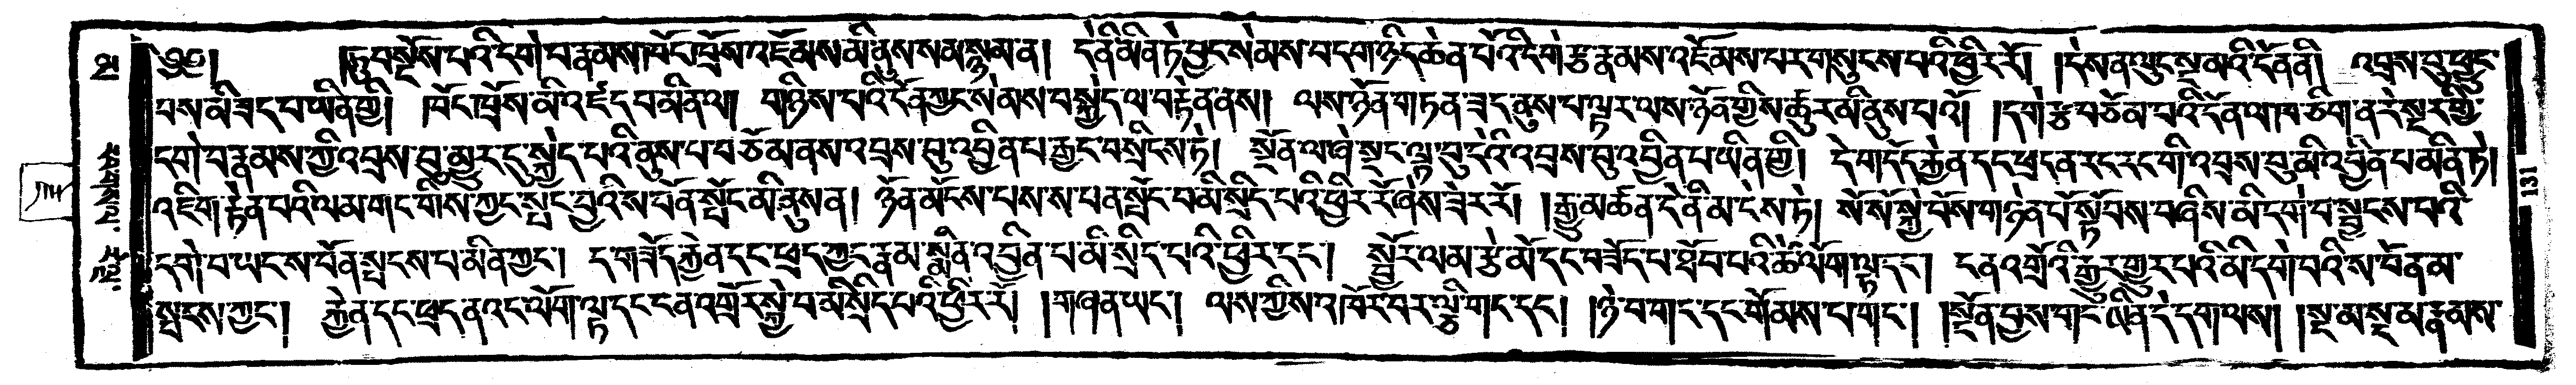༄༅། །ཏུ་བསྔོས་པའི་དགེ་བ་རྣམས་ཁོང་ཁྲོས་འཇོམས་མི་ནུས་སམ་སྙམ་ན། དེ་ནི་མིན་ཏེ་བྱང་སེམས་བདག་ཉིད་ཆེན་པོའི་དགེ་རྩ་རྣམས་འཇོམས་པར་གསུངས་པའི་ཕྱིར་རོ། །དེས་ན་ལུང་སྔ་མའི་དོན་ནི། འབྲས་བུ་ཕྱུང་
བས་མི་ཟད་པ་ཡིན་གྱི། ཁོང་ཁྲོས་མི་འཛད་པ་མིན་ལ། གཉིས་པའི་དོན་ཀྱང་སེམས་བསྐྱེད་ལ་བརྟེན་ནས། ལས་ཉོན་གཏན་ཟད་ནུས་པ་ལྟར་ལས་ཉོན་གྱིས་ཚུར་མི་ནུས་པའོ། །དགེ་རྩ་བཅོམ་པའི་དོན་ལ་ཁ་ཅིག་ན་རེ་སྔར་གྱི་
དགེ་བ་རྣམས་ཀྱི་འབྲས་བུ་མྱུར་དུ་སྐྱེད་པའི་ནུས་པ་བཅོམ་ནས་འབྲས་བུ་འབྱིན་པ་རྒྱང་བསྲིངས་ཏེ། སྔོན་ལ་ཞེ་སྡང་ལྟ་བུ་དེའི་འབྲས་བུ་འབྱིན་པ་ཡིན་གྱི། ད་གདོད་རྐྱེན་དང་ཕྲད་ན་རང་རང་གི་འབྲས་བུ་མི་འབྱིན་པ་མིན་ཏེ།
འཇིག་རྟེན་པའི་ལམ་གང་གིས་ཀྱང་སྤང་བྱའི་ས་བོན་སྤོང་མི་ནུས་ན། ཉོན་མོངས་པས་ས་བོན་སྤོང་བ་མི་སྲིད་པའི་ཕྱིར་རོ་ཞེས་ཟེར་རོ། །རྒྱུ་མཚན་དེ་ནི་མ་ངེས་ཏེ། སོ་སོ་སྐྱེ་བོས་གཉེན་པོ་སྟོབས་བཞིས་མི་དགེ་བ་སྦྱངས་པའི་
དགེ་བ་ཡང་ས་བོན་སྤངས་པ་མིན་ཀྱང་། ད་གཟོད་རྐྱེན་དང་ཕྲད་ཀྱང་རྣམ་སྨིན་འབྱིན་པ་མི་སྲིད་པའི་ཕྱིར་དང་། སྦྱོར་ལམ་རྩེ་མོ་དང་བཟོད་པ་ཐོབ་པའི་ཚེ་ལོག་ལྟ་དང་། ངན་འགྲོའི་རྒྱུར་གྱུར་པའི་མི་དགེ་བའི་ས་བོན་མ་
སྤངས་ཀྱང་། རྐྱེན་དང་ཕྲད་ནའང་ལོག་ལྟ་དང་ངན་འགྲོར་སྐྱེ་བ་མི་སྲིད་པའི་ཕྱིར་རོ། །གཞན་ཡང་། ལས་ཀྱིས་འཁོར་བར་ལྕི་གང་དང་། །ཉེ་བ་གང་དང་གོམས་པ་གང་། །སྔོན་བྱས་གང་ཡིན་དེ་དག་ལས། །སྔ་མ་སྔ་མ་རྣམས་